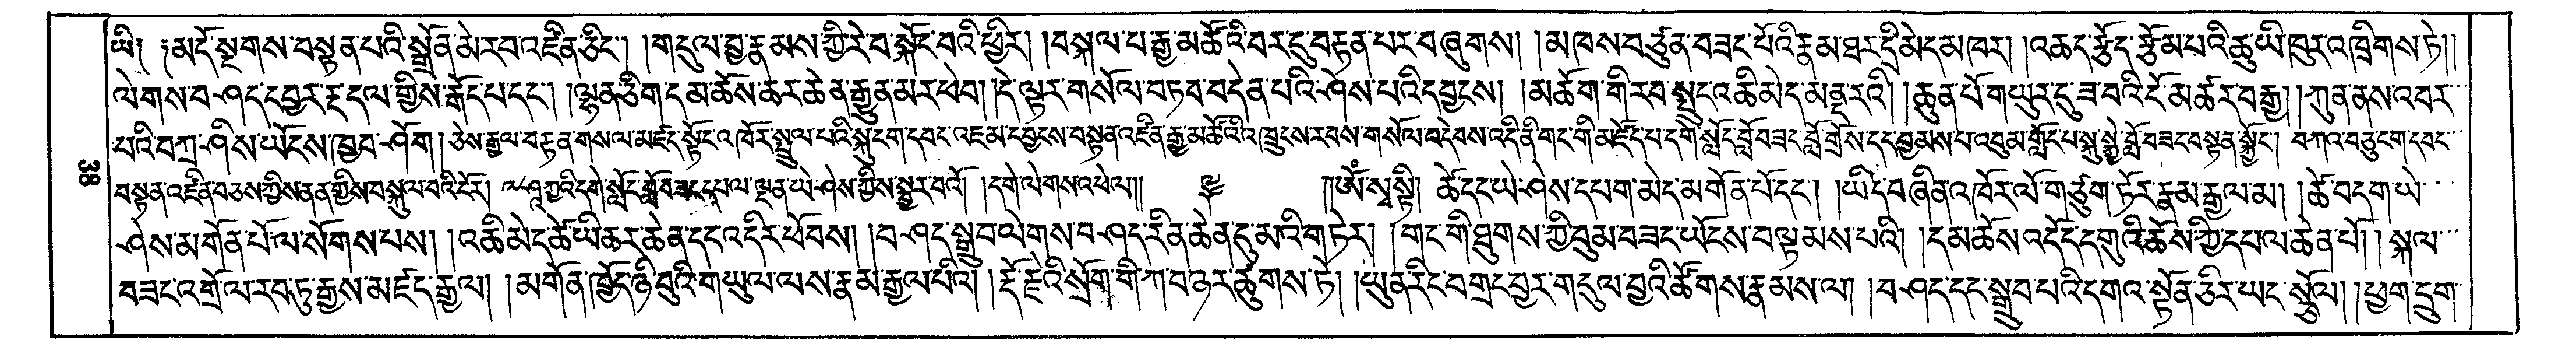ཡི༑ ༑མདོ་སྔགས་བསྟན་པའི་སྒྲོན་མེ་རབ་འཛིན་ཅིང་། །གདུལ་བྱ་རྣམས་ཀྱི་རེ་བ་སྐོང་བའི་ཕྱིར། །བསྐལ་བ་རྒྱ་མཚོའི་བར་དུ་བརྟན་པར་བཞུགས། །མཁས་བཙུན་བཟང་པོའི་རྣམ་ཐར་དྲི་མེད་མཁར། །འཆད་རྩོད་རྩོམ་པའི་ཆུ་ཡི་ཁུར་འཁྲིགས་ཏེ།
ལེགས་བཤད་དབྱར་རྔ་དལ་གྱིས་རྒོད་པ་དང་། །ལྷན་ཅིག་དམ་ཆོས་ཆར་ཆེན་རྒྱུན་མར་ཕོབ། །དེ་ལྟར་གསོལ་བཏབ་བདེན་པའི་ཤིས་པའི་དབྱངས། །མཆོག་གི་རབ་སྤུད་འཆི་མེད་མནྔ་རའི། །ཆུན་པོ་གཡུར་དུ་ཟ་བའི་ངོ་མཚར་བརྒྱ། །ཀུན་ནས་འབར་
བའི་བཀྲ་ཤིས་ཡོངས་ཁྱབ་ཤོག། ཅེས་རྒྱལ་བརྟན་གསལ་མཛད་སྟོང་འཁོར་སྤྲུལ་པའི་སྐུ་ངག་དབང་འཇམ་དབྱངས་བསྟན་འཛིན་རྒྱ་མཚོའི་འཁྲུངས་རབས་གསོལ་འདེབས་འདི་ནི་གང་གི་མཛེད་པ་དགེ་སློང་བློ་བཟང་བློ་གོས་དང་བྱམས་པ་འབུམ་གླིང་པ་སྐུ་སྐྱེ་བློ་བཟང་བསྟན་སྐྱོང་། བཀའ་བཅུ་ངག་དབང་
བསྟན་འཛིན་བཅས་ཀྱིས་ནན་གྱིས་བསྐུལ་བའི་དོར། ༧ཤཱཀྱའི་དགེ་སློང་བློ་བཟང་དཔལ་ལྡན་ཡེ་ཤེས་ཀྱིས་སྦྱར་བའོ། །དགེ་ལེགས་འཕེལ།། ༈ །།ཨོཾ་སྭ་སྟི། ཚེ་དང་ཡེ་ཤེས་དཔག་མེད་མགོན་པོ་དང་། །ཡིད་བཞིན་འཁོར་ལོ་གཙུག་ཏོར་རྣམ་རྒྱལ་མ། །ཚེ་བདག་ཡེ་
ཤེས་མགོན་པོ་ལ་སོགས་པས། །འཆི་མེད་ཚེ་ཡི་ཆར་ཆེན་དེང་འདིར་ཕོབས། །བཤད་སྒྲུབ་ལེགས་བཤད་རིན་ཆེན་དུ་མའི་གཏེར། །གང་གི་ཐུགས་ཀྱི་བུམ་བཟང་ཡོངས་བལྟམས་པའི། །དམ་ཆོས་འདོད་དགུའི་ཆོས་ཀྱི་དཔལ་ཆེན་པོ། །སྐལ་
བཟང་འགྲོ་ལ་རབ་ཏུ་རྒྱས་མཛད་རྒྱལ། །མགོན་ཁྱོད་ཉི་བུའི་གཡུལ་ལས་རྣམ་རྒྱལ་བའི། །རྡོ་རྗེའི་སྲོག་གི་ཀ་བ་ཉེར་ཚུགས་ཏེ། །ཡུན་རིང་བགྲང་བྱར་གདུལ་བྱའི་ཚོགས་རྣམས་ལ། །བཤད་དང་སྒྲུབ་པའི་དགའ་སྟོན་ཅིར་ཡང་སྩོལ། །ཕྱག་དྲུག་